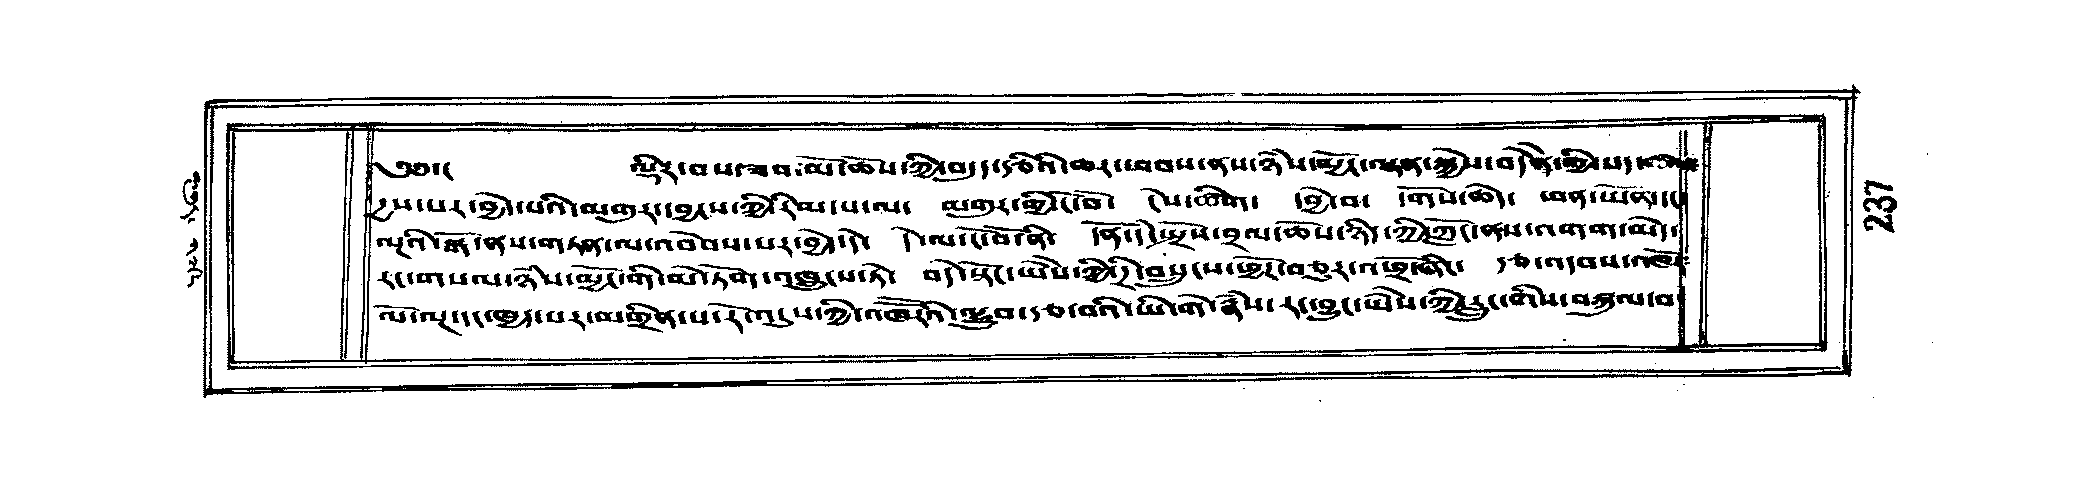ལྡིར་བས་ཟབ་མོ་ཆོས་ཀྱི་བདུད་རྩིའི་ཆར་ཕབས་ནས་ཉམས་མྱོང་ལྷན་སྐྱེས་བདེ་ཆེན་གྱི་པད་ཚལ་
རྒྱས་པར་བྱེད་པའི་མགུར་དབྱངས་ཀྱི་རིམ་པ་ལ། མགུར་གྱི་ངོ་བོ། ངེས་ཚིག དབྱེ་བ། དགོས་ཆེད། ཕན་ཡོན་དང་
ལྔའི་སྒོ་ནས་གཏན་ལ་འབེབས་པར་བྱེད་དེ། དེ་ལ་ངོ་བོ་ནི། དོན་དམ་སྤྲོས་བྲལ་ཆོས་ཉིད་ཀློང་ནས་འགག་མེད་
རང་གསལ་ཉམས་མྱོང་གི་མེ་ཏོག་འཁྲུངས་ཏེ། བདེ་སྟོང་ཡེ་ཤེས་ཀྱི་དྲི་བསུང་ཕྱོགས་བཅུར་འཕྲོ་ཞིང་། རྩ་འདབས་འཁོར་
ལོ་ལྔ་དང་ཁྱད་པར་མགྲིན་པ་རོ་འདུས་ཀྱི་འཁོར་ལོའི་ལྷུན་གྲུབ་རྩ་བའི་ཡི་གེ་རྣམས་རང་བྱུང་ཡེ་ཤེས་ཀྱི་རླུང་གིས་བསྐུལ་བ་